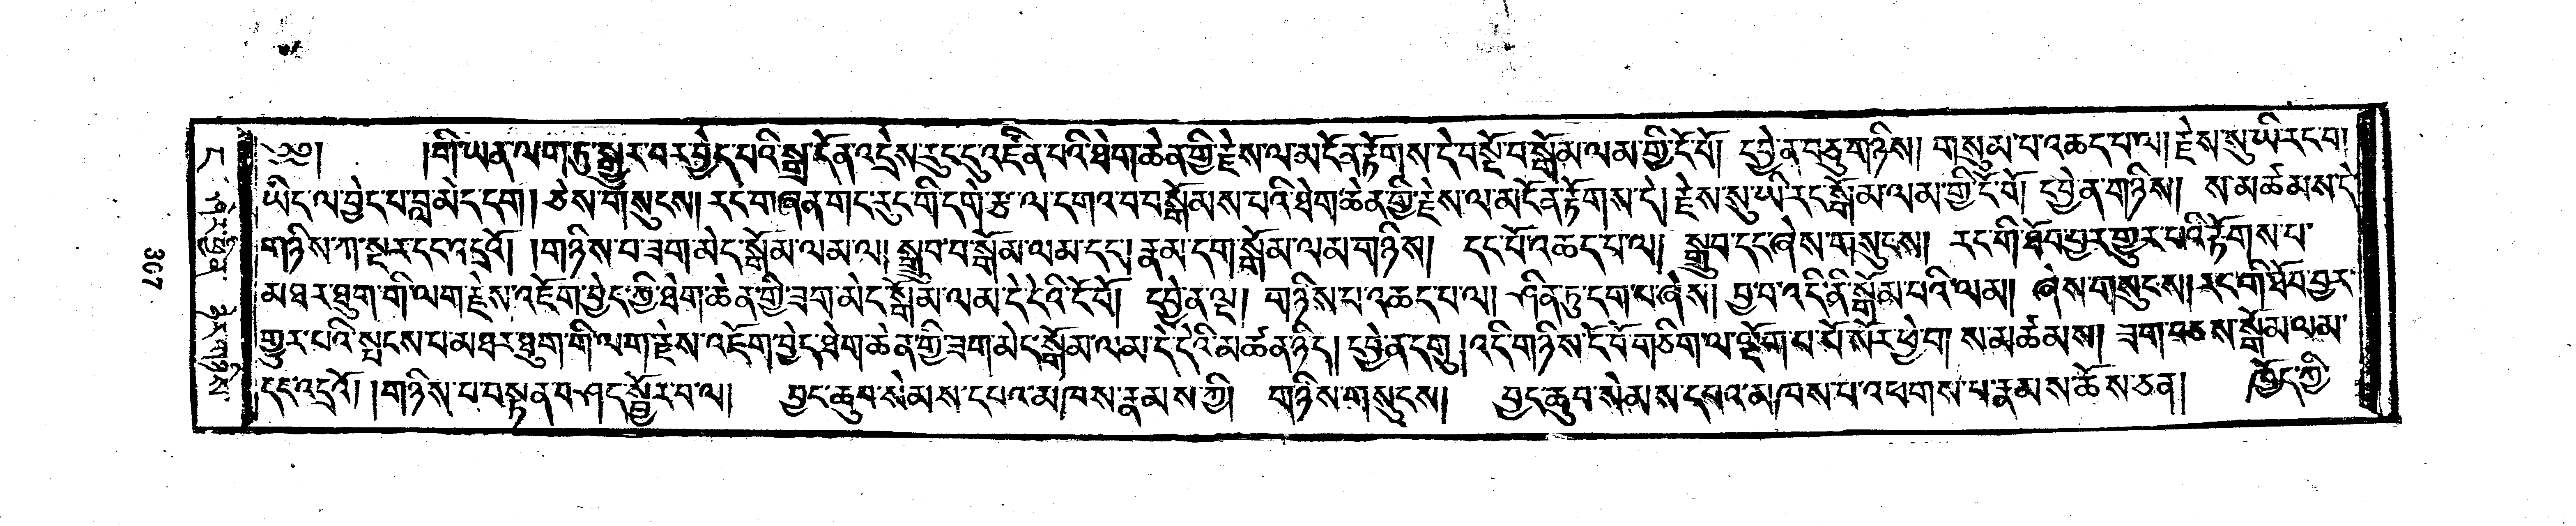༄༅། །གི་ཡན་ལག་ཏུ་སྒྱུར་བར་བྱེད་པའི་སྒྲ་དོན་འདྲེས་རུང་དུ་འཛིན་པའི་ཐེག་ཆེན་གྱི་རྗེས་ལ་མངོན་རྟོགས་དེ་བསྔོ་བ་སྒོམ་ལམ་གྱི་ངོ་བོ། དབྱེ་ན་བཅུ་གཉིས། གསུམ་པ་འཆད་པ་ལ། རྗེས་སུ་ཡི་རང་བ།
ཡིད་ལ་བྱེད་པ་བླ་མེད་དག །ཅེས་གསུངས། རང་གཞན་གང་རུང་གི་དགེ་རྩ་ལ་དགའ་བ་བསྒོམས་པའི་ཐེག་ཆེན་གྱི་རྗེས་ལ་མངོན་རྟོགས་དེ། རྗེས་སུ་ཡི་རང་སྒོམ་ལམ་གྱི་ངོ་བོ། དབྱེ་ན་གཉིས། ས་མཚམས་དེ་
གཉིས་ཀ་སྔར་དང་འདྲའོ། །གཉིས་པ་ཟག་མེད་སྒོམ་ལམ་ལ། སྒྲུབ་པ་སྒོམ་ལམ་དང་། རྣམ་དག་སྒོམ་ལམ་གཉིས། དང་པོ་འཆད་པ་ལ། སྒྲུབ་དང་ཞེས་གསུངས། རང་གི་ཐོབ་བྱར་གྱུར་པའི་རྟོགས་པ་
མཐར་ཐུག་གི་ལག་རྗེས་འཇོག་བྱེད་ཀྱི་ཐེག་ཆེན་གྱི་ཟག་མེད་སྒོམ་ལམ་དེ་དེའི་ངོ་བོ། དབྱེ་ན་ལྔ། གཉིས་པ་འཆད་པ་ལ། ཤིན་ཏུ་དག་པ་ཞེས། བྱ་བ་འདི་ནི་སྒོམ་པའི་ལམ། ཞེས་གསུངས། རང་གི་ཐོབ་བྱར་
གྱུར་པའི་སྤངས་པ་མཐར་ཐུག་གི་ལག་རྗེས་འཇོག་བྱེད་ཐེག་ཆེན་གྱི་ཟག་མེད་སྒོམ་ལམ་དེ་དེའི་མཚན་ཉིད། དབྱེ་ན་དགུ །འདི་གཉིས་ངོ་བོ་གཅིག་ལ་ལྡོག་པ་སོ་སོར་ཕྱེ་བ། ས་མཚམས། ཟག་བཅས་སྒོམ་ལམ་
དང་འདྲའོ། །གཉིས་པ་བསྟན་བཤད་སྦྱོར་བ་ལ། བྱང་ཆུབ་སེམས་དཔའ་མཁས་རྣམས་ཀྱི། གཉིས་གསུངས། བྱང་ཆུབ་སེམས་དཔའ་མཁས་པ་འཕགས་པ་རྣམས་ཆོས་ཅན། ཁྱོད་ཀྱི་